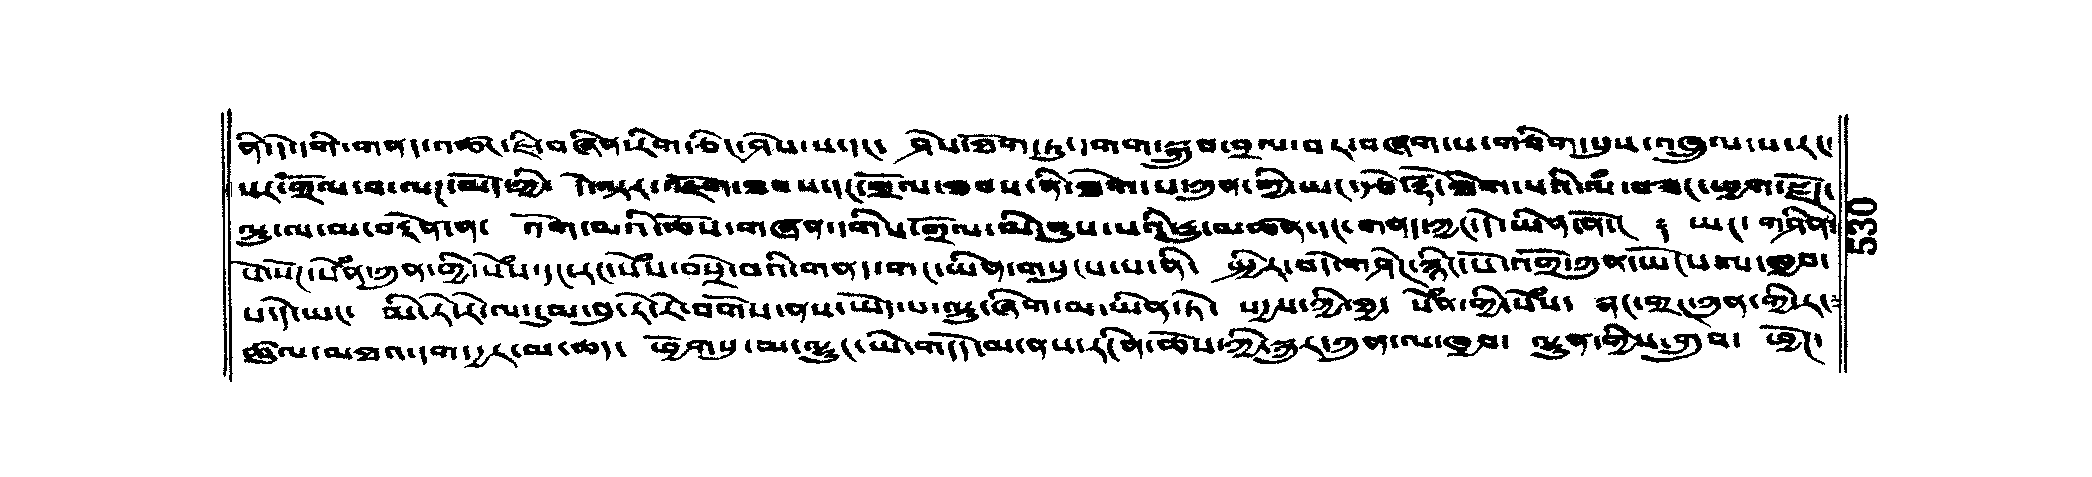ནི་དེ་དག་གི་གནད་མཚང་ཇི་བཞིན་རིག་ཅིང་ཤེས་པ་དང་། ཤེས་ཐོག་ཏུ་དགག་སྒྲུབ་བྲལ་བར་བཞག་པ་གཅིག་པུས་འཁྲུལ་པ་རང་
སར་གྲོལ་བ་ལགས་མོད་ཀྱི། དེ་ལྟར་འཇོག་ཐབས་དང་གྲོལ་ཐབས་ནི་ཐེག་པ་ཀུན་གྱི་ཡང་རྩེ་རྡོ་རྗེ་ཐེག་པའི་ལམ་བཟང་ཕྱག་རྫོགས་
ལྟ་བུ་ལ་མ་བརྟེན་ན།འོག་མའི་ཆོས་གཞན་དག་གིས་གྲོལ་མི་ནུས་པའི་རྒྱུ་མཚན་དང་གནད་ཀྱང་དེ་ཡིན་ནོ། ༈ ཡང་། གཤིན་
པོ་སོགས་སེམས་ཅན་ཀུན་གྱི་སེམས་དང་རང་སེམས་བསྲེ་བའི་གནད་གང་ཡིན་གསུངས་པ་ནི། སྤྱིར་བདེ་གཤེགས་སྙིང་པོ་འགྲོ་ཀུན་ཡོངས་ལ་ཁྱབ་
པ་དེ་ཡང་། མི་རེ་རེ་ལ་དུམ་བུ་རེ་རེ་བགོས་ནས་ཡོད་པ་ལྟ་བུ་ཞིག་མ་ཡིན་ཏེ། སངས་རྒྱས་ཀྱི་ཐུགས། སེམས་ཅན་གྱི་སེམས། སྣང་གྲགས་ཀུན་གྱི་རང་
ཚུལ་མཐའ་དག་རྒྱར་མ་ཆད། ཕྱོགས་སུ་མ་ལྷུང་ཡེ་གདོད་མ་ན་རང་བཞིན་ཆོས་ཀྱི་སྐུར་ཀུན་ལ་ཁྱབ། ལྷུན་གྱིས་གྲུབ། ཕྱོགས་